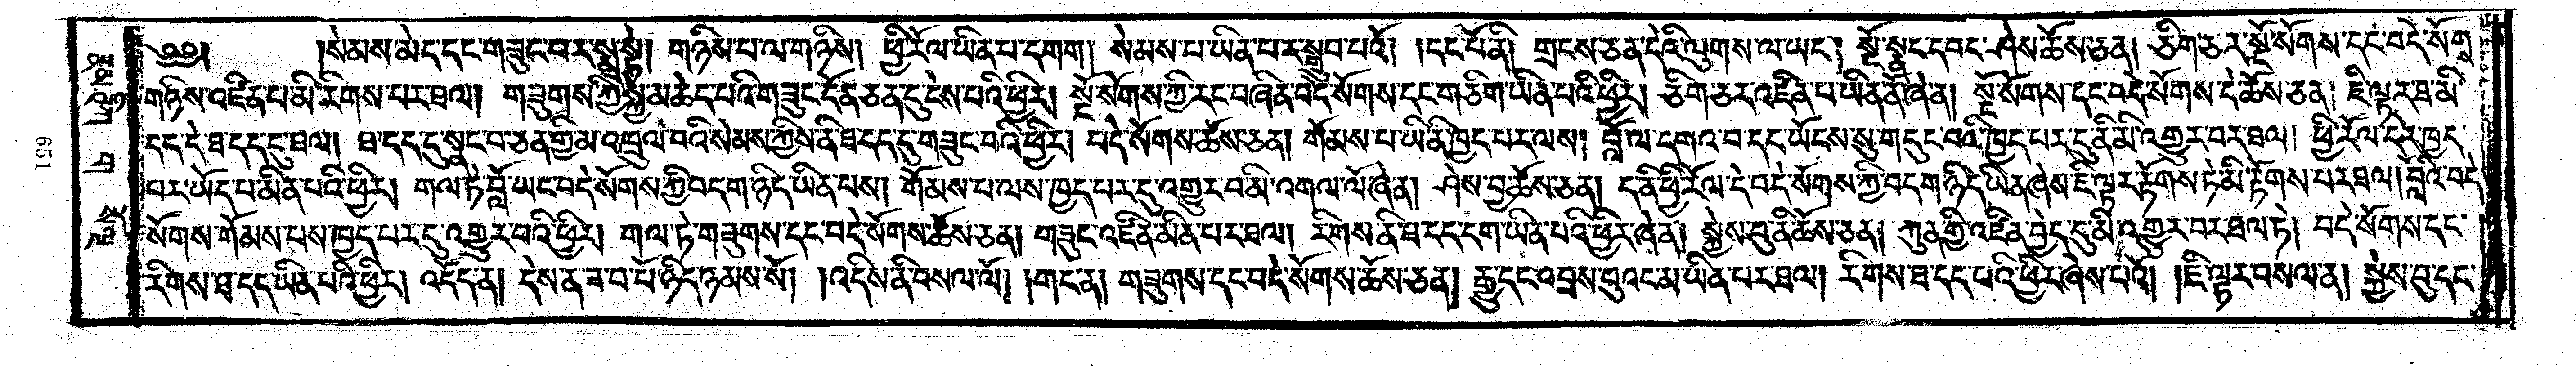༄༅། །སེམས་མེད་དང་གཟུང་བར་སྨྲ་སྟེ། གཉིས་པ་ལ་གཉིས། ཕྱི་རོལ་ཡིན་པ་དགག། སེམས་པ་ཡིན་པར་སྒྲུབ་པའོ། །དང་པོ་ནི། གྲངས་ཅན་དེའི་ལུགས་ལ་ཡང་། སྔོ་སྣང་དབང་ཤེས་ཆོས་ཅན། ཅིག་ཅར་སྔོ་སོགས་དང་བདེ་སོགས་
གཉིས་འཛིན་པ་མི་རིགས་པར་ཐལ། གཟུགས་ཀྱི་སྐྱེ་མཆེད་པའི་གཟུང་དོན་ཅན་དུ་ངེས་པའི་ཕྱིར། སྔོ་སོགས་ཀྱི་རང་བཞིན་བདེ་སོགས་དང་གཅིག་ཡིན་པའི་ཕྱིར། ཅིག་ཅར་འཛིན་པ་ཡིན་ནོ་ཞེ་ན། སྔོ་སོགས་དང་བདེ་སོགས་དེ་ཆོས་ཅན། ཇི་ལྟར་ཐ་མི་
དང་དེ་ཐ་དད་དུ་ཐལ། ཐ་དད་དུ་སྣང་བ་ཅན་གྱི་མ་འཁྲུལ་བའི་སེམས་ཀྱིས་ནི་ཐ་དད་དུ་གཟུང་བའི་ཕྱིར། བདེ་སོགས་ཆོས་ཅན། གོམས་པ་ཡི་ནི་ཁྱད་པར་ལས། བློ་ལ་དགའ་བ་དང་ཡོངས་སུ་གདུང་བའི་ཁྱད་པར་དུ་ནི་མི་འགྱུར་བར་ཐལ། ཕྱི་རོལ་དེར་ཁྱད་
པར་ཡོད་པ་མིན་པའི་ཕྱིར། གལ་ཏེ་བློ་ཡང་བདེ་སོགས་ཀྱི་བདག་ཉིད་ཡིན་པས། གོམས་པ་ལས་ཁྱད་པར་དུ་འགྱུར་བ་མི་འགལ་ལོ་ཞེ་ན། ཤེས་བྱ་ཆོས་ཅན། ད་ནི་ཕྱི་རོལ་དེ་བདེ་སོགས་ཀྱི་བདག་ཉིད་ཡིན་ཞེས་ཇི་ལྟར་རྟོགས་ཏེ་མི་རྟོགས་པར་ཐལ། བློའི་བདེ་
སོགས་གོམས་པས་ཁྱད་པར་དུ་འགྱུར་བའི་ཕྱིར། གལ་ཏེ་གཟུགས་དང་བདེ་སོགས་ཆོས་ཅན། གཟུང་འཛིན་མིན་པར་ཐལ། རིགས་ནི་ཐ་དད་དག་ཡིན་པའི་ཕྱིར་ཞེ་ན། སྐྱེས་བུ་ནི་ཆོས་ཅན། ཀུན་གྱི་འཛིན་བྱེད་དུ་མི་འགྱུར་བར་ཐལ་ཏེ། བདེ་སོགས་དང་
རིགས་ཐ་དད་ཡིན་པའི་ཕྱིར། འདོད་ན། དེས་ན་ཟ་བ་པོ་ཉིད་ཉམས་སོ། །འདིས་ནི་བསལ་ལོ། །གང་ན། གཟུགས་དང་བདེ་སོགས་ཆོས་ཅན། རྒྱུ་དང་འབྲས་བུའང་མ་ཡིན་པར་ཐལ། རིགས་ཐ་དད་པའི་ཕྱིར་ཞེ་པའོ། །ཇི་ལྟར་བསལ་ན། སྐྱེས་བུ་དང་